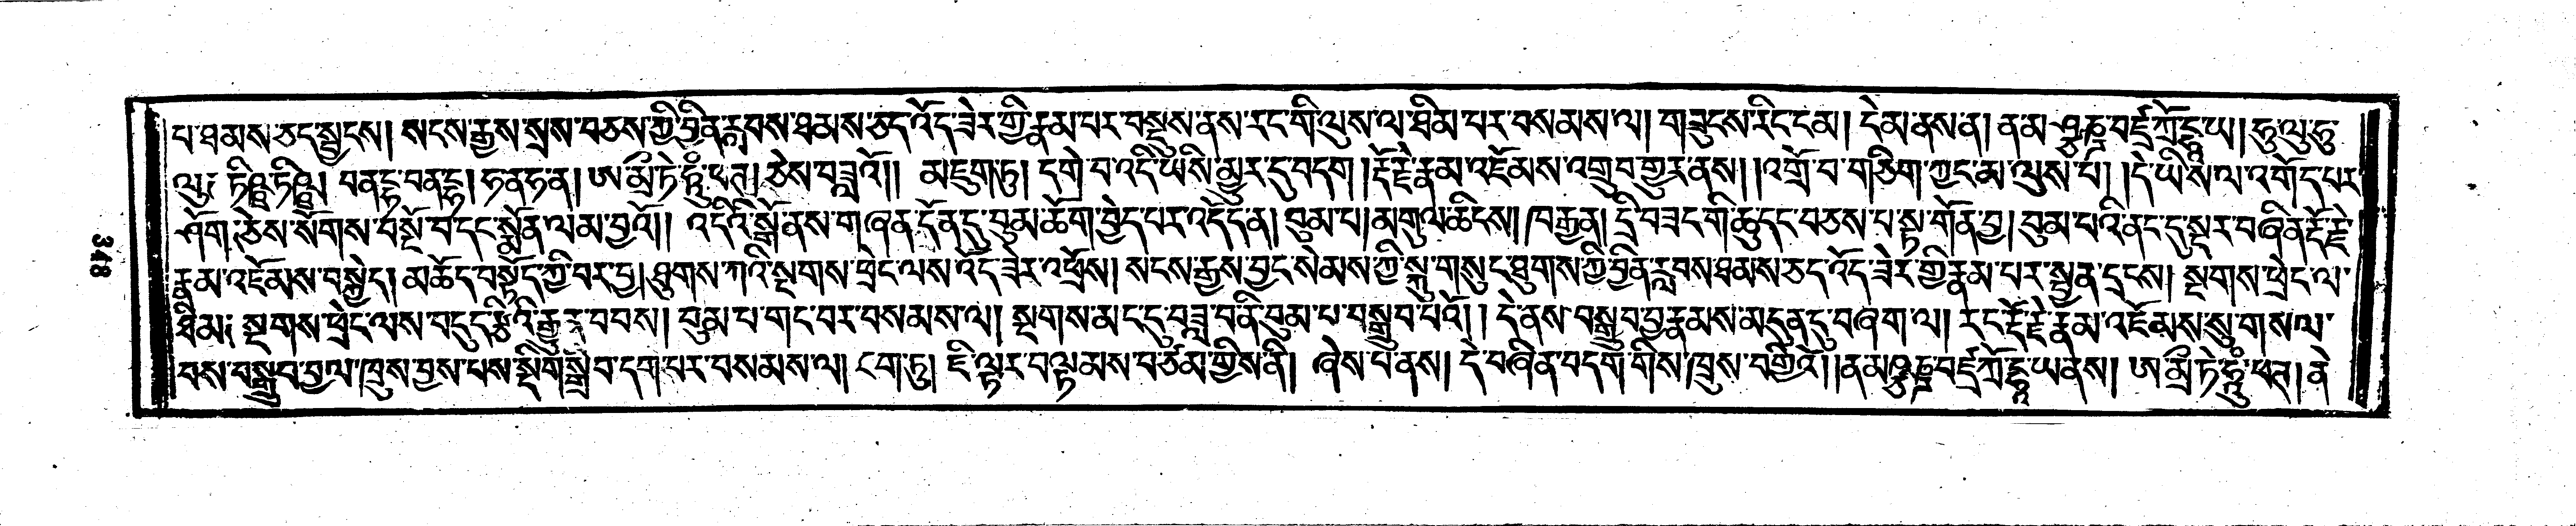པ་ཐམས་ཅད་སྦྱངས། སངས་རྒྱས་སྲས་བཅས་ཀྱི་བྱིན་རླབས་ཐམས་ཅད་འོད་ཟེར་གྱི་རྣམ་པར་བསྡུས་ནས་རང་གི་ལུས་ལ་ཐིམ་པར་བསམས་ལ། གཟུངས་རིང་ངམ། དེ་མ་ནུས་ན། ན་མཤྩཎྜ་བཛྲ་ཀྲོ་དྷཱ་ཡ། ཧུ་ལུ་ཧུ་
ལུ༑ ཏིཥཊཿཨ་ཏིཥཊཿཨ། བན་དྷ་བན་དྷ། ཧ་ན་ཧ་ན། ཨ་མྲྀ་ཏེ་ཧཱུཾ་ཕཊ། ཅེས་བཟླའོ། །མཇུག་ཏུ། དགེ་བ་འདི་ཡིས་མྱུར་དུ་བདག །རྡོ་རྗེ་རྣམ་འཇོམས་འགྲུབ་གྱུར་ནས། །འགྲོ་བ་གཅིག་ཀྱང་མ་ལུས་པ། །དེ་ཡི་ས་ལ་འགོད་པར་
ཤོག ༑ཅེས་སོགས་བསྔོ་བ་དང་སྨོན་ལམ་བྱའོ། །འདིའི་སྒོ་ནས་གཞན་དོན་དུ་བུམ་ཆོག་བྱེད་པར་འདོད་ན། བུམ་པ། མགུལ་ཆིངས། ཁ་རྒྱན། དྲི་བཟང་གི་ཆུ་དང་བཅས་པ་སྟ་གོན་བྱ། བུམ་པའི་ནང་དུ་སྔར་བཞིན་རྡོ་རྗེ་
རྣམ་འཇོམས་བསྐྱེད། མཆོད་བསྟོད་ཀྱི་བར་བྱ། ཐུགས་ཀའི་སྔགས་ཕྲེང་ལས་འོད་ཟེར་འཕྲོས། སངས་རྒྱས་བྱང་སེམས་ཀྱི་སྐུ་གསུང་ཐུགས་ཀྱི་བྱིན་རླབས་ཐམས་ཅད་འོད་ཟེར་གྱི་རྣམ་པར་སྤྱན་དྲངས། སྔགས་ཕྲེང་ལ་
ཐིམ༑ སྔགས་ཕྲེང་ལས་བདུད་རྩིའི་རྒྱུན་བབས། བུམ་པ་གང་བར་བསམས་ལ། སྔགས་མང་དུ་བཟླ་བ་ནི་བུམ་པ་བསྒྲུབ་པའོ། །དེ་ནས་བསྒྲུབ་བྱ་རྣམས་མདུན་དུ་བཞག་ལ། རང་རྡོ་རྗེ་རྣམ་འཇོམས་སུ་གསལ་
བས་བསྒྲུབ་བྱ་ལ་ཁྲུས་བྱས་པས་སྡིག་སྒྲིབ་དག་པར་བསམས་ལ། ངག་ཏུ། ཇི་ལྟར་བལྟམས་པ་ཙམ་གྱིས་ནི། ཞེས་པ་ནས། དེ་བཞིན་བདག་གིས་ཁྲུས་བགྱིའོ། །ན་མཥྩཎྜ་བཛྲ་ཀྲོ་དྷཱ་ཡ་ནས། ཨ་མྲྀ་ཏེ་ཧཱུཾ་ཕཊ། ཆེ་